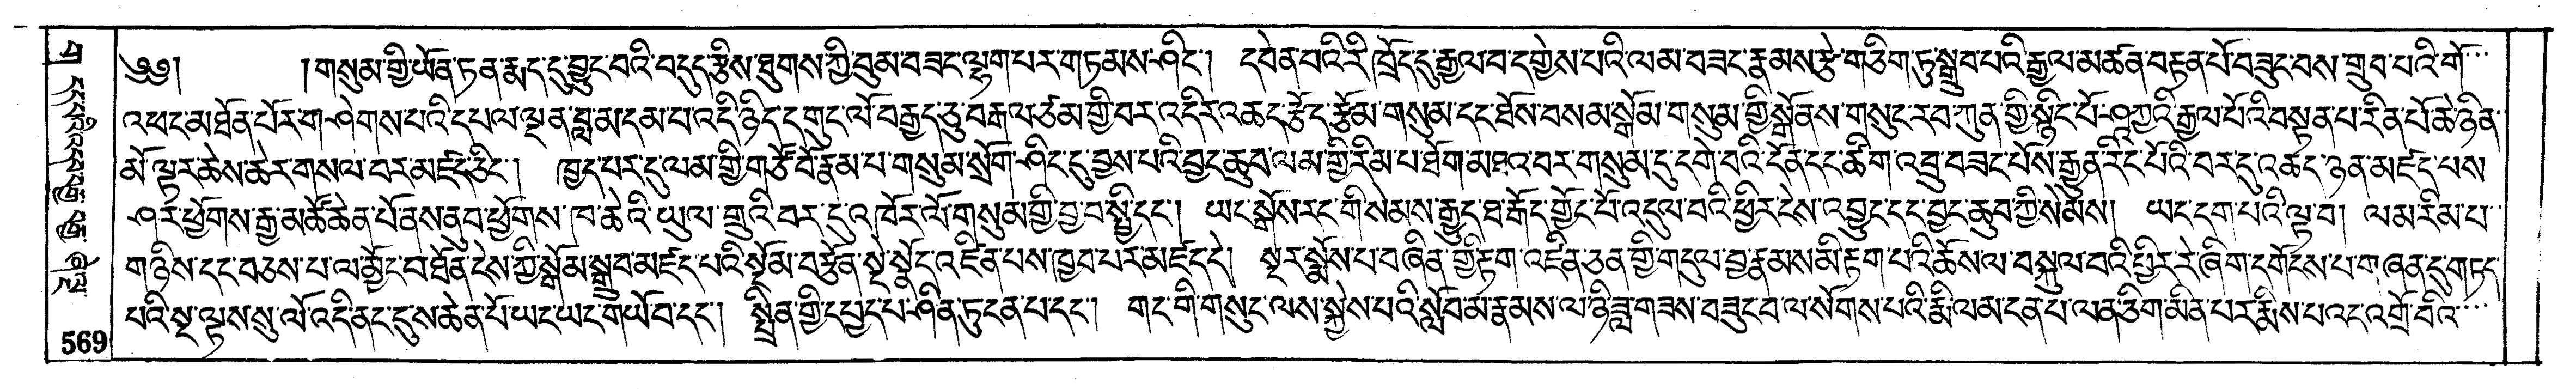༄༅། །གསུམ་གྱི་ཡོན་ཏན་རྨད་དུ་བྱུང་བའི་བདུད་རྩིས་ཐུགས་ཀྱི་བུམ་བཟང་ལྷག་པར་གཏམས་ཤིང་། དབེན་པའི་རི་ཁྲོད་དུ་རྒྱལ་བ་དགྱེས་བའི་ལམ་བཟང་རྣམས་རྩེ་གཅིག་ཏུ་སྒྲུབ་པའི་རྒྱལ་མཚན་བརྟན་པོ་བཟུང་བས་གྲུབ་པའི་གོ་
འཕང་མཐོན་པོར་གཤེགས་པའི་དཔལ་ལྡན་བླ་མ་དམ་པ་འདི་ཉིད་དགུང་ལོ་བརྒྱད་ཅུ་བརྒལ་ཙམ་གྱི་བར་འདིར་འཆད་རྩོང་རྩོམ་གསུམ་དང་ཐོས་བསམ་སྒོམ་གསུམ་གྱི་སྒོ་ནས་གསུང་རབ་ཀུན་གྱི་སྙིང་པོ་ཤཱཀྱའི་རྒྱལ་པོའི་བསྟན་པ་རིན་པོ་ཆེ་ཉིན་
མོ་ལྟར་ཆེས་ཆེར་གསལ་བར་མཛད་ཅིང་། ཁྱད་པར་དུ་ལམ་གྱི་གཙོ་བོ་རྣམ་པ་གསུམ་སྲོག་ཤིང་དུ་བྱས་པའི་བྱང་ཆུབ་ལམ་གྱི་རིམ་པ་ཐོག་མཐའ་བར་གསུམ་དུ་དགེ་བའི་དོན་དང་ཚིག་འབྲུ་བཟང་པོས་རྒྱུན་རིང་པོའི་བར་དུ་འཆད་ཉན་མཛད་པས་
ཤར་ཕྱོགས་རྒྱ་མཚོ་ཆེན་པོ་ནས་ནུབ་ཕྱོགས་ཁ་ཆེའི་ཡུལ་གྲུའི་པར་དུ་འཁོར་ལོ་གསུམ་གྱི་བྱ་བ་སྤྱི་དང་། ཡང་སྒོས་རང་གི་སེམས་རྒྱུད་ཐ་རྒོད་གྱོང་པོ་འདུལ་བའི་ཕྱིར་ངེས་འབྱུང་དང་བྱང་ཆུབ་ཀྱི་སེམས། ཡང་དག་པའི་ལྟ་བ། ལམ་རིམ་པ་
གཉིས་དང་བཅས་པ་ལ་མྱོང་བ་ཐོན་ངེས་ཀྱི་སྒོམ་སྒྲུབ་མཛད་པའི་སྡོམ་བརྩོན་སྡེ་སྣོད་འཛིན་པས་ཁྱབ་པར་མཛད་དེ། སྔར་སྨོས་པ་བཞིན་གྱི་རྟག་འཛིན་ཅན་གྱི་འདུལ་བྱ་རྣམས་མི་རྟག་པའི་ཆོས་ལ་བསྐུལ་བའི་ཕྱིར་རེ་ཞིག་དགོངས་པ་གཞན་དུ་གཏང་
པའི་སྔ་ལྟས་སུ་ལོ་འདི་ནང་དུ་ས་ཆེན་པོ་ཡང་ཡང་གཡོ་བ་དང་། སྤྲིན་གྱི་དཔྱད་པ་ཤིན་ཏུ་ངན་པ་དང་། གང་གི་གསུང་ལས་སྐྱེས་པའི་སློབ་མ་རྣམས་ལ་ཉི་ཟླ་གཟས་བཟུང་བ་ལ་སོགས་པའི་རྨི་ལམ་ངན་པ་ལན་ཅིག་མིན་པར་རྨིས་པའང་འགྲོ་བའི་